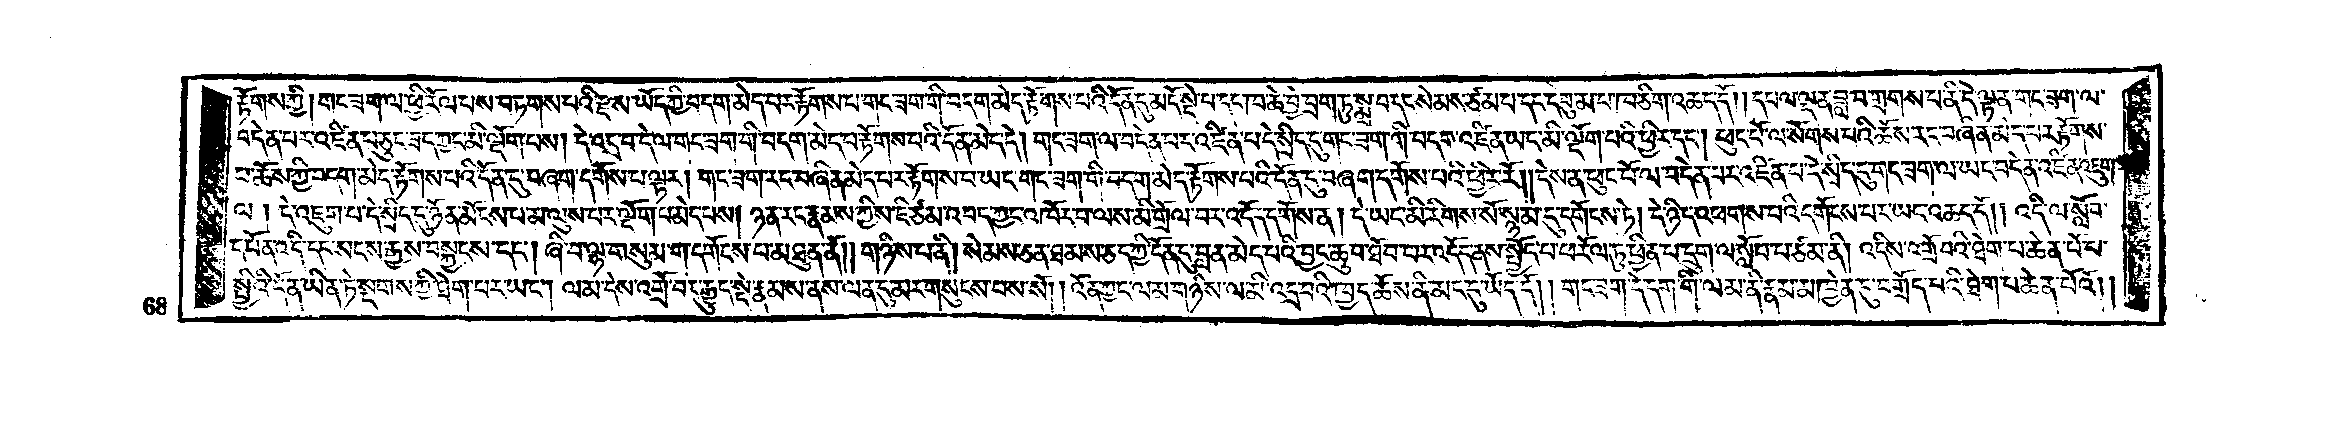རྟོགས་ཀྱི། གང་ཟག་ལ་ཕྱི་རོལ་པས་བཏགས་པའི་རྫས་ཡོད་ཀྱི་བདག་མེད་པར་རྟོགས་པ་གང་ཟག་གི་བདག་མེད་རྟོགས་པའི་དོན་དུ་མདོ་སྡེ་པ་དང་ཁ་ཆེ་བྱེ་བྲག་ཏུ་སྨྲ་བ་དང་སེམས་ཙམ་པ་དང་དབུ་མ་པ་ཁ་ཅིག་འཆད་དོ། །དཔལ་ལྡན་ཟླ་བ་གྲགས་པ་ནི་དེ་ལྟ་ན་གང་ཟག་ལ་
བདེན་པར་འཛིན་པ་ཅུང་ཟད་ཀྱང་མི་ལྡོག་པས། དེ་འདྲ་བ་དེ་ལ་གང་ཟག་གི་བདག་མེད་པ་རྟོགས་པའི་དོན་མེད་དེ། གང་ཟག་ལ་བདེན་པར་འཛིན་པ་དེ་སྲིད་དུ་གང་ཟག་གི་བདག་འཛིན་ཡང་མི་ལྡོག་པའི་ཕྱིར་དང་། ཕུང་པོ་ལ་སོགས་པའི་ཆོས་རང་བཞིན་མེད་པར་རྟོགས་
པ་ཆོས་ཀྱི་བདག་མེད་རྟོགས་པའི་དོན་དུ་བཞག་དགོས་པ་ལྟར། གང་ཟག་རང་བཞིན་མེད་པར་རྟོགས་པ་ཡང་གང་ཟག་གི་བདག་མེད་རྟོགས་པའི་དོན་དུ་བཞག་དགོས་པའི་ཕྱིར་རོ། །དེས་ན་ཕུང་པོ་ལ་བདེན་པར་འཛིན་པ་དེ་སྲིད་དུ་གང་ཟག་ལ་ཡང་བདེན་འཛིན་འཇུག་
ལ། དེ་འཇུག་པ་དེ་སྲིད་དུ་ཉོན་མོངས་པ་མ་ལུས་པར་ལྡོག་པ་མེད་པས། ཉན་རང་རྣམས་ཀྱིས་ཇི་ཙམ་འབད་ཀྱང་འཁོར་བ་ལས་མི་གྲོལ་བར་འདོད་དགོས་ན། དེ་ཡང་མི་རིགས་སོ་སྙམ་དུ་དགོངས་ཏེ། དེ་ཉིད་འཕགས་པའི་དགོངས་པར་ཡང་འཆད་དོ། །འདི་ལ་སློབ་
དཔོན་འདི་དང་སངས་རྒྱས་བསྐྱངས་དང་། ཞི་བ་ལྷ་གསུམ་ག་དགོངས་པ་མཐུན་ནོ། །གཉིས་པ་ནི། སེམས་ཅན་ཐམས་ཅད་ཀྱི་དོན་དུ་བླ་ན་མེད་པའི་བྱང་ཆུབ་ཐོབ་པར་འདོད་ནས་སྤྱོད་པ་ཕ་རོལ་ཏུ་ཕྱིན་པ་དྲུག་ལ་སློབ་པ་ཙམ་ནི། འདིས་འགྲོ་བའི་ཐེག་པ་ཆེན་པོ་པ་
སྤྱིའི་དོན་ཡིན་ཏེ་སྔགས་ཀྱི་ཐེག་པར་ཡང་། ལམ་དེས་འགྲོ་བར་རྒྱུད་སྡེ་རྣམས་ནས་ལན་དུ་མར་གསུངས་པས་སོ། །འོན་ཀྱང་ལམ་གཉིས་ལ་མི་འདྲ་བའི་ཁྱད་ཆོས་ནི་མང་དུ་ཡོད་དོ། །གང་ཟག་དེ་དག་གི་ལམ་ནི་རྣམ་མཁྱེན་དུ་བགྲོད་པའི་ཐེག་པ་ཆེན་པོའོ། །